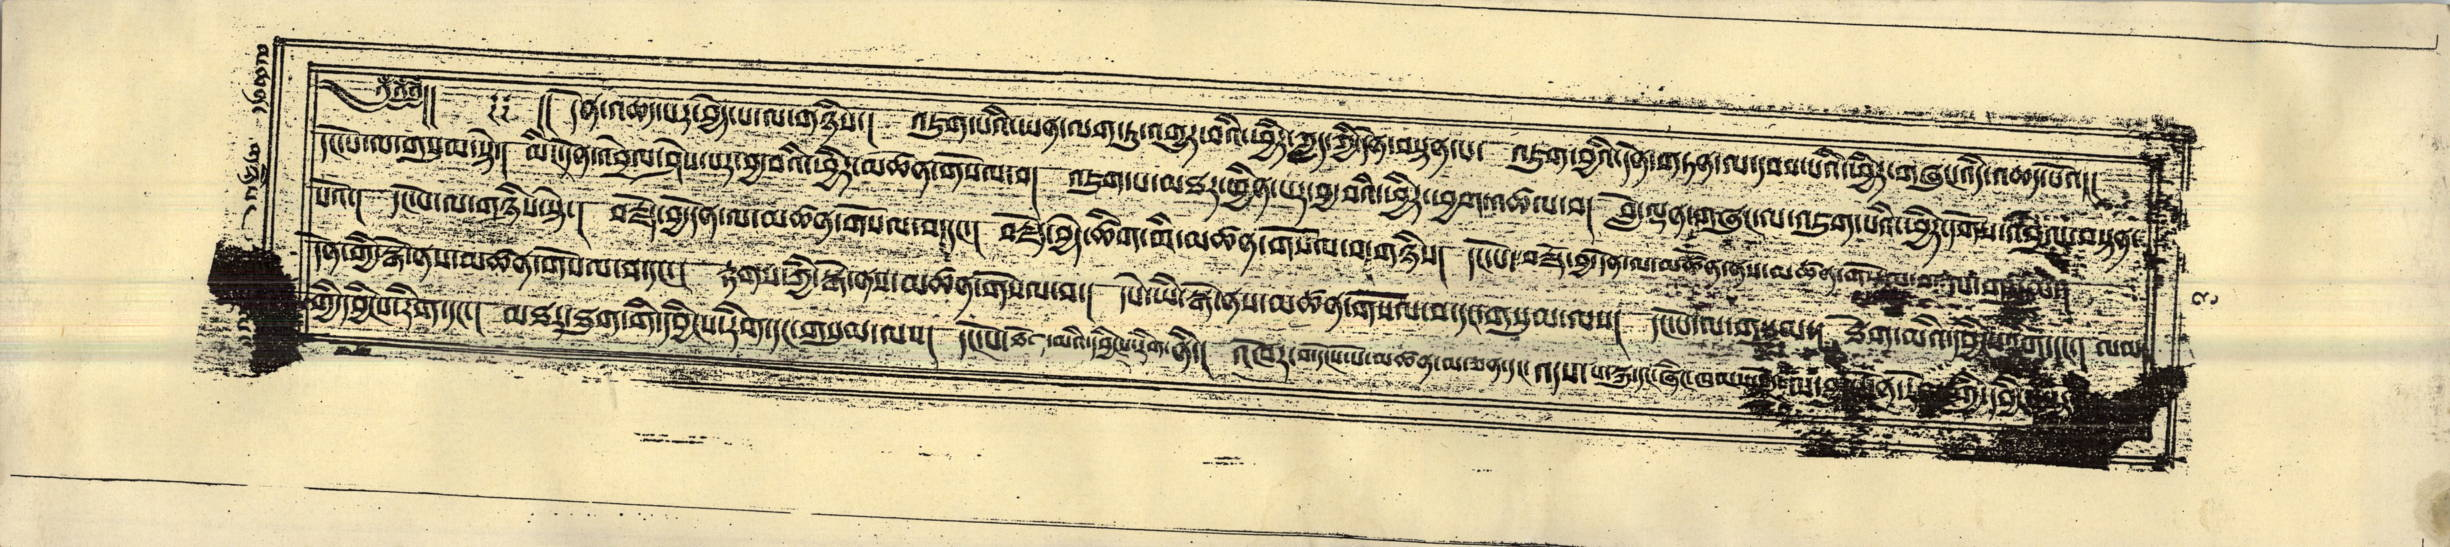དོན་འཆད་པར་བྱེད་པ་ལ་གཉིས། འཇུག་པའི་ཡན་ལག་ཏུ་གྱུར་པའི་ཕྱིར་ཀླད་ཀྱི་དོན་བསྟན་པ། འཇུག་བྱའི་དོན་གཏན་ལ་དབབ་པའི་ཕྱིར་གཞུང་འདི་འཆད་པའོ། །
དང་པོ་ལ་གསུམ་སྟེ། མིང་དོན་འབྲེལ་བ་ཤེས་པར་བྱ་བའི་ཕྱིར་མཚན་གསོལ་བ་དང་། འཇུག་པ་མཐར་ཕྱིན་པར་བྱ་བའི་ཕྱིར་ཕྱག་འཚལ་བ་དང་། བློ་ལྡན་གཞུང་ལ་འཇུག་པའི་ཕྱིར་དགོས་འབྲེལ་བསྟན་
པའོ། །དང་པོ་ལ་གཉིས་ཏེ། བརྗོད་བྱ་དོན་ལ་མཚན་གསོལ་བ་དང་། རྗོད་བྱེད་ཚིག་གི་མཚན་གསོལ་བ་གཉིས། དང་པོ་༼བརྗོད་བྱ་དོན་ལ་མཚོན་ནས་༽མཚན་གསོལ་བ་ལ་གཉི། 
དོན་གྱི་སྒོ་ནས་མཚན་གསོལ་བ་དང་། རྟགས་ཀྱི་སྒོ་ནས་མཚན་གསོལ་བ། དཔེ་ཡི་སྒོ་ནས་མཚན་གསོལ་བ་དང་གསུམ་ལས། དང་པོ་ལ་གསུམ་ཐོག་མའི་དབྱིངས་རིག་དང་། ལམ་
གྱི་དབྱིངས་རིག་དང་། མཐར་ཐུག་གི་དབྱིངས་རིག་དང་གསུམ་ལས། དང་པོ་༼ཐོག་མའི་དབྱིངས་རིག༽ནི། འཁོར་༼བ་དངོས་པོ་མཚན་མ་ཅན་དང་༽འདས་༼པ་སྐུ་དང་ཞིང་ཁམས་སོགས༽མ་བྱུང་སྔོན་རོལ་གྱི་དབྱིངས་